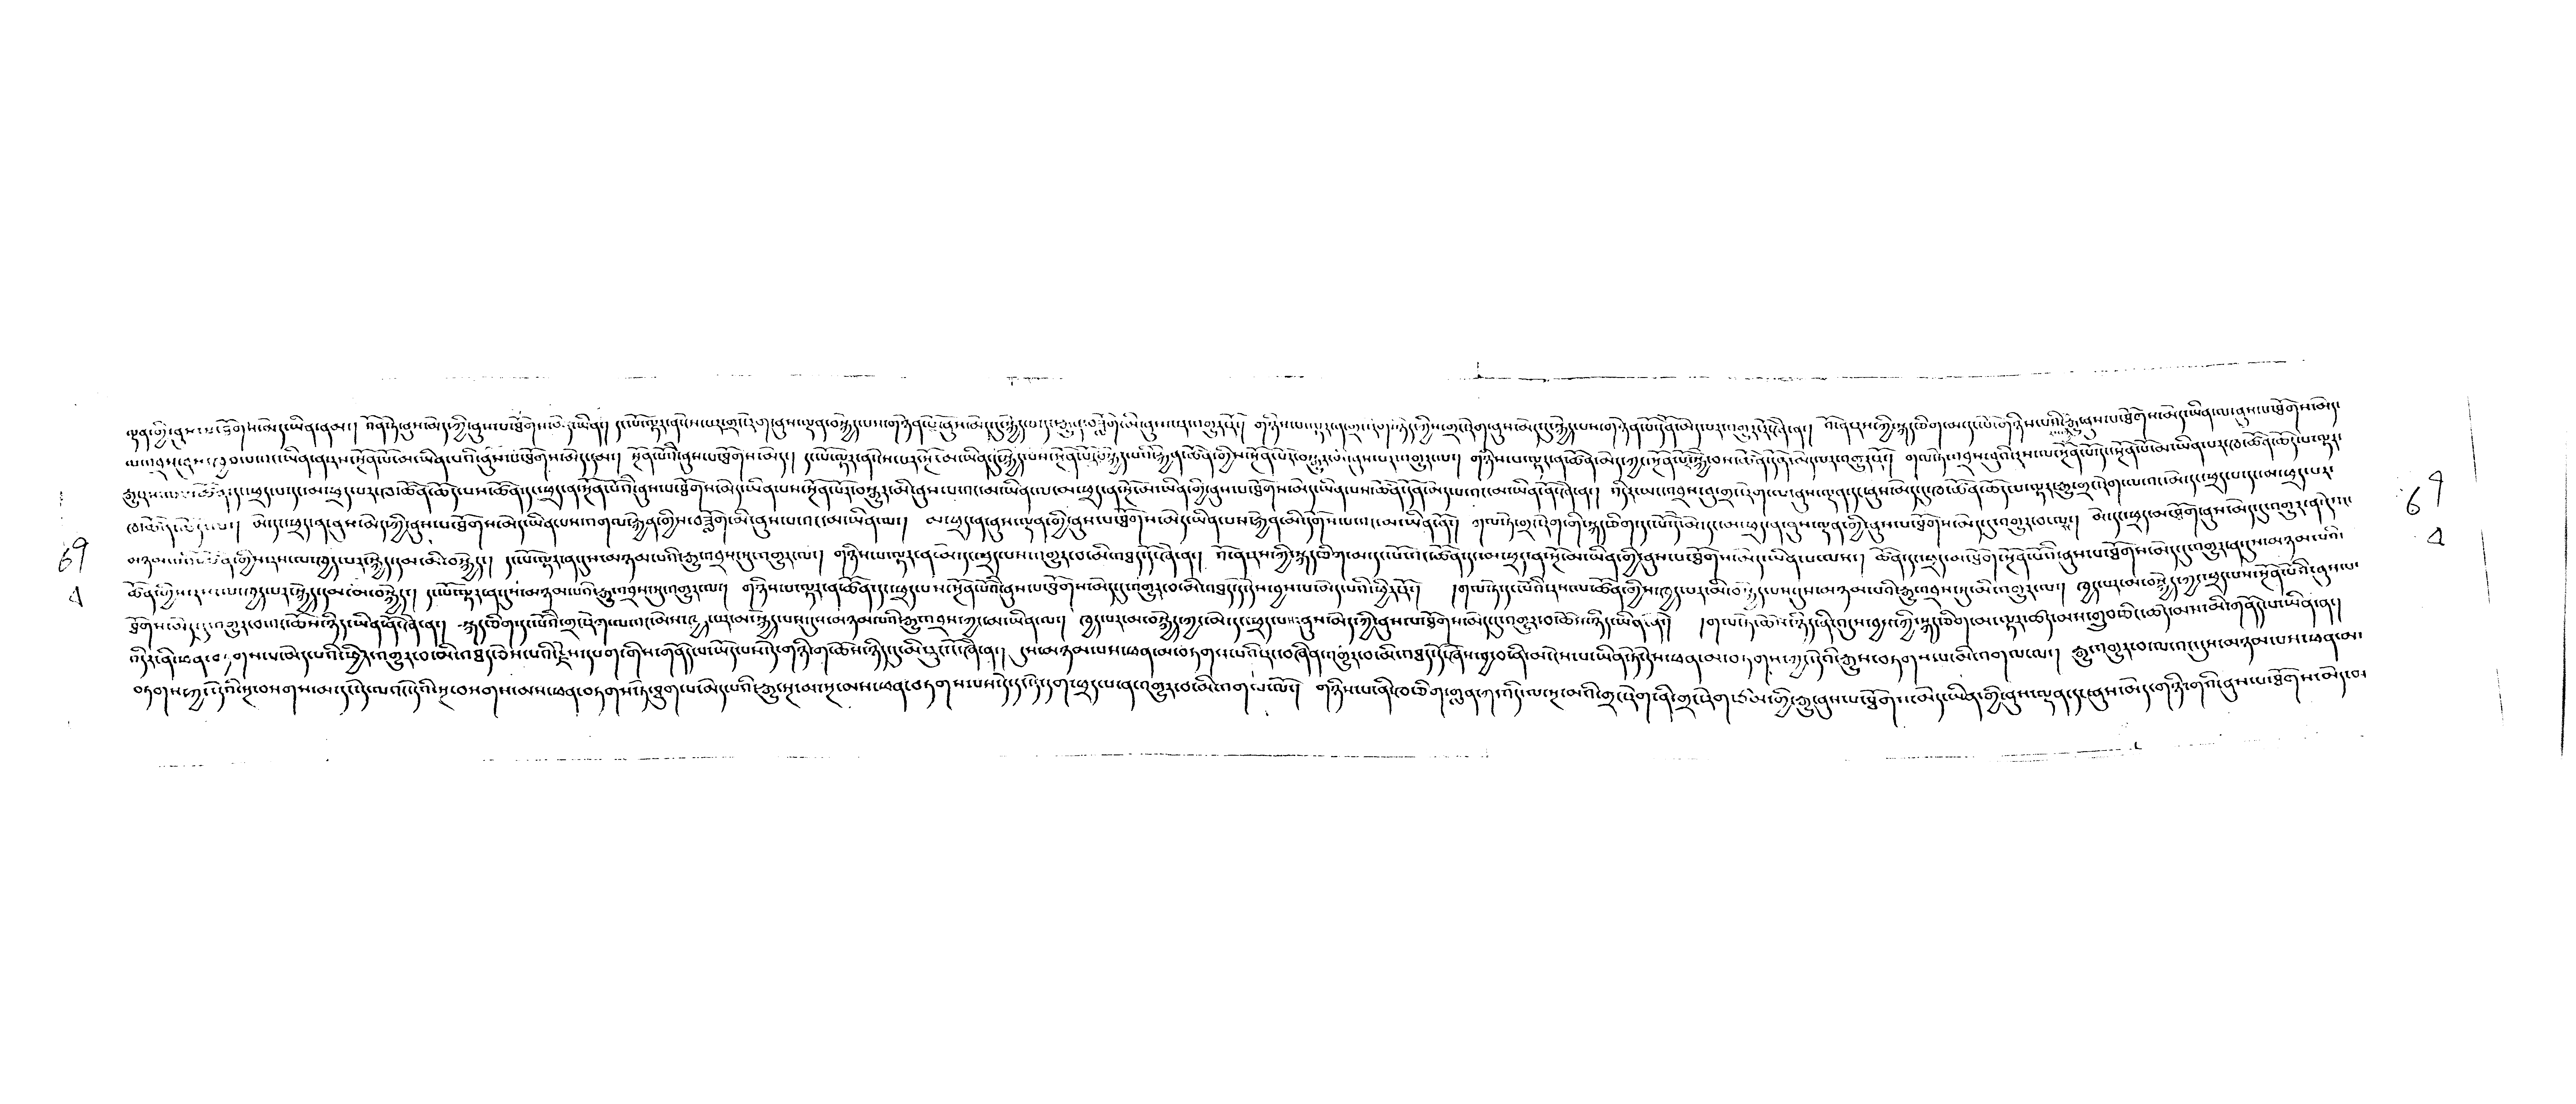ལྡན་གྱི་ནུས་པ་ཐོགས་མེད་ཡིན་ནམ། འོན་ཏེ་ནུས་མེད་ཀྱི་ནུས་པ་ཐོགས་མེད་ཡིན། དང་པོ་ལྟར་ན་ངེས་པར་གྲང་རེག་ནུས་ལྡན་བསྐྱེད་པས་གཉེན་པོ་ནུས་མེད་དུ་སྐྱེད་པ་དང་རྒྱུ་དང་བཟློག་མི་ནུས་པར་འགྱུར་རོ། གཉིས་པ་ལྟར་ན་གྲང་རེག་ཉིད་ཀྱིས་གྲང་རེག་ནུས་མེད་དུ་སྐྱེད་པས་གཉེན་པོ་དོན་མེད་པར་འགྱུར་རོ་ཞེ་ན། འོ་ན་རས་ཀྱི་སྐད་ཅིག་མ་དང་པོ་གཉིས་པའི་?་རྒྱུ་ནུས་པ་ཐོགས་མེད་ཡིན་ལ་ནུས་པ་ཐོགས་མེད་
མ་འབྲས་བུས་ཁྱབ་པ་འང་ཡིན་ན་རས་སྔོན་པོ་མ་ཡིན་པའི་ནུས་པ་ཐོགས་མེད་དམ། སྔོན་པོའི་ནུས་པ་ཐོགས་མེད། དང་པོ་ལྟར་ན་ངེས་པར་སྔོ་མ་ཡིན་དུ་སྐྱེད་པས་སྔོན་པོར་བསྐྱེད་པའི་རྐྱེན་ཚོན་གྱིས་སྔོན་པོར་བསྒྱུར་པའི་ནུས་པར་འགྱུར་ལ། གཉིས་པ་ལྟར་ན་ཚོན་མེད་ཀྱང་སྔོན་པོར་སྐྱེ་བས་ཚོན་དོན་མེད་པར་འགྱུར་རོ། གལ་ཏེ་འབྲས་བུའི་རས་ལ་སྔོན་པོ་དང་སྔོན་པོ་མ་ཡིན་པར་ཁ་ཚོན་ཆོད་པ་ལྟར་
རྒྱུ་རས་ལས་ཚོན་དང་ཕྲད་པ་དང་མ་ཕྲད་པར་ཁ་ཚོན་ཆོད་པས་ཚོན་དང་ཕྲད་ན་སྔོན་པོའི་ནུས་པ་ཐོགས་མེད་ཡིན་པས་སྔོན་པོར་བསྒྱུར་མི་ནུས་པ་འང་མ་ཡིན་ལ་མ་ཕྲད་ན་སྔོ་མ་ཡིན་གྱི་ནུས་པ་ཐོགས་མེད་ཡིན་པས་ཚོན་དོན་མེད་པ་འང་མ་ཡིན་ནོ་ཞེ་ན། འདིར་ཡང་འབྲས་བུ་གྲང་རེག་ལ་ནུས་ལྡན་དང་ནུས་མེད་དུ་ཁ་ཚོན་ཆོད་པ་ལྟར་རྒྱུ་གྲང་རེག་ལ་འང་མེ་དང་ཕྲད་པ་དང་མ་ཕྲད་པར་
ཁ་ཚོན་མོད་ལ། མེ་དང་ཕྲད་ན་ནུས་མེད་ཀྱི་ནུས་པ་ཐོགས་མེད་ཡིན་པས་འགལ་རྐྱེན་གྱིས་བཟློག་མི་ནུས་པ་འང་མ་ཡིན་ལ། མ་ཕྲད་ན་ནུས་ལྡན་གྱི་ནུས་པ་ཐོགས་མེད་ཡིན་པས་རྐྱེན་མི་དགོས་པ་འང་མ་ཡིན་ནོ། གལ་ཏེ་གྲང་རེག་གི་སྐད་ཅིག་དང་པོ་དེ་མེ་དང་མ་ཕྲད་ན་ནུས་ལྡན་གྱི་ནུས་པ་ཐོགས་མེད་དུ་འགྱུར་བ་ལས། མེ་དང་ཕྲད་མ་ཐོག་ནུས་མེད་དུ་འགྱུར་ན་དེའང་
མཉམ་པའི་ཚོན་གྱིས་རས་ལ་ཁྱད་པར་སྐྱེད་དམ་མི་བསྐྱེད། དང་པོ་ལྟར་ན་དུས་མཉམ་པའི་རྒྱུ་འབྲས་སུ་འགྱུར་ལ། གཉིས་པ་ལྟར་ན་མེ་དང་ཕྲད་པས་འགྱུར་བ་མི་འཐད་དོ་ཞེ་ན། འོ་ན་རས་ཀྱི་སྐད་ཅིག་མ་དང་པོ་འང་ཚོན་དང་མ་ཕྲད་ན་སྔོ་མ་ཡིན་གྱི་ནུས་པ་ཐོགས་མེད་ཡིན་པ་ལས། ཚོན་དང་ཕྲད་མ་ཐོག་སྔོན་པོའི་ནུས་པ་ཐོགས་མེད་དུ་འགྱུར་ན་དུས་མཉམ་པའི་
ཚོན་གྱིས་རས་ལས་ཁྱད་པར་སྐྱེད་དམ་མ་བསྐྱེད། དང་པོ་ལྟར་ན་དུས་མཉམ་པའི་རྒྱུ་འབྲས་སུ་འགྱུར་ལ། གཉིས་པ་ལྟར་ན་ཚོན་དང་ཕྲད་པས་སྔོན་པོའི་ནུས་པ་ཐོགས་མེད་དུ་འགྱུར་བ་མི་འཐད་དེ་དེས་བྱས་པ་མེད་པའི་ཕྱིར་རོ། །གལ་ཏེ་དང་པོའི་རས་ལ་ཚོན་གྱིས་ཁྱད་པར་མི་བསྐྱེད་པས་དུས་མཉམ་པའི་རྒྱུ་འབྲས་སུ་མི་འགྱུར་ལ། ཁྱད་པར་མ་བསྐྱེད་ཀྱང་ཕྲད་པས་སྔོན་པོའི་ནུས་པ་
ཐོགས་མེད་དུ་འགྱུར་བ་འང་ཆོས་ཉིད་ཡིན་ནོ་ཞེ་ན། སྐད་ཅིག་དང་པོའི་གྲང་རེག་ལའང་མེས་ཁྱད་པར་མ་སྐྱེད་པས་དུས་མཉམ་པའི་རྒྱུ་འབྲས་ཀྱང་མ་ཡིན་ལ། ཁྱད་པར་མ་བསྐྱེད་ཀྱང་མེ་དང་ཕྲད་པས་ནུས་མེད་ཀྱི་ནུས་ལ་ཐོགས་མེད་དུ་འགྱུར་བ་ཆོས་ཉིད་ཡིན་ནོ། །གལ་ཏེ་ཆོས་ཉིད་ནི་འདུས་བྱས་ཀྱི་སྐད་ཅིག་མ་ལྟར་ཚད་མས་གྲུབ་ཅིང་ཚད་མས་མི་གནོད་པ་ཡིན་ན།
འདིར་ནི་ཕན་བཏགས་པ་མེད་པའི་ཕྱིར་འགྱུར་བ་མི་འཐད་ཅེས་པའི་རྗེས་དཔག་གིས་གནོད་པ་ཡོད་པས་དེ་གཉི་ག་ཆོས་ཉིད་དུ་མི་རུང་ངོ་ཞེ་ན། དུས་མཉམ་པས་ཕན་མ་བཏགས་པའི་རང་བཞིན་འགྱུར་བ་མི་འཐད་དོ་ཞེས་བྱ་བ་ནི་མ་ངེས་པ་ཡིན་ཏེ་དེས་ཕན་མ་བཏགས་ཀྱང་དེའི་རྒྱུས་བཏགས་པ་མི་འགལ་ལ། རྒྱུ་འགྱུར་བ་ལ་འང་དུས་མཉམ་པས་ཕན་མ་
བཏགས་ཀྱང་དེའི་སྔ་བསགས་མ་དང་དེ་ལའང་དེའི་སྔ་བསགས་མས་ཕན་བཏགས་ཏེ་ཐུག་པ་མེད་པའི་རྒྱུ་སྔ་མ་སྔ་མས་ཕན་བཏགས་པས་དེ་དང་དེ་དག་ཕྲད་པ་ན་འགྱུར་བ་མི་འགལ་ལོ། གཉིས་པ་ནི་ཁ་ཅིག་གླན་ཀ་འདི་ལ་སྔ་མའི་གྲང་རེག་ནི་གྲང་རེག་ཙམ་གྱི་རྒྱུ་ནུས་པ་ཐོགས་མེད་ཡིན་གྱི་ནུས་ལྡན་དང་ནུས་མེད་གཉི་གའི་ནུས་པ་ཐོགས་མེད་བ་